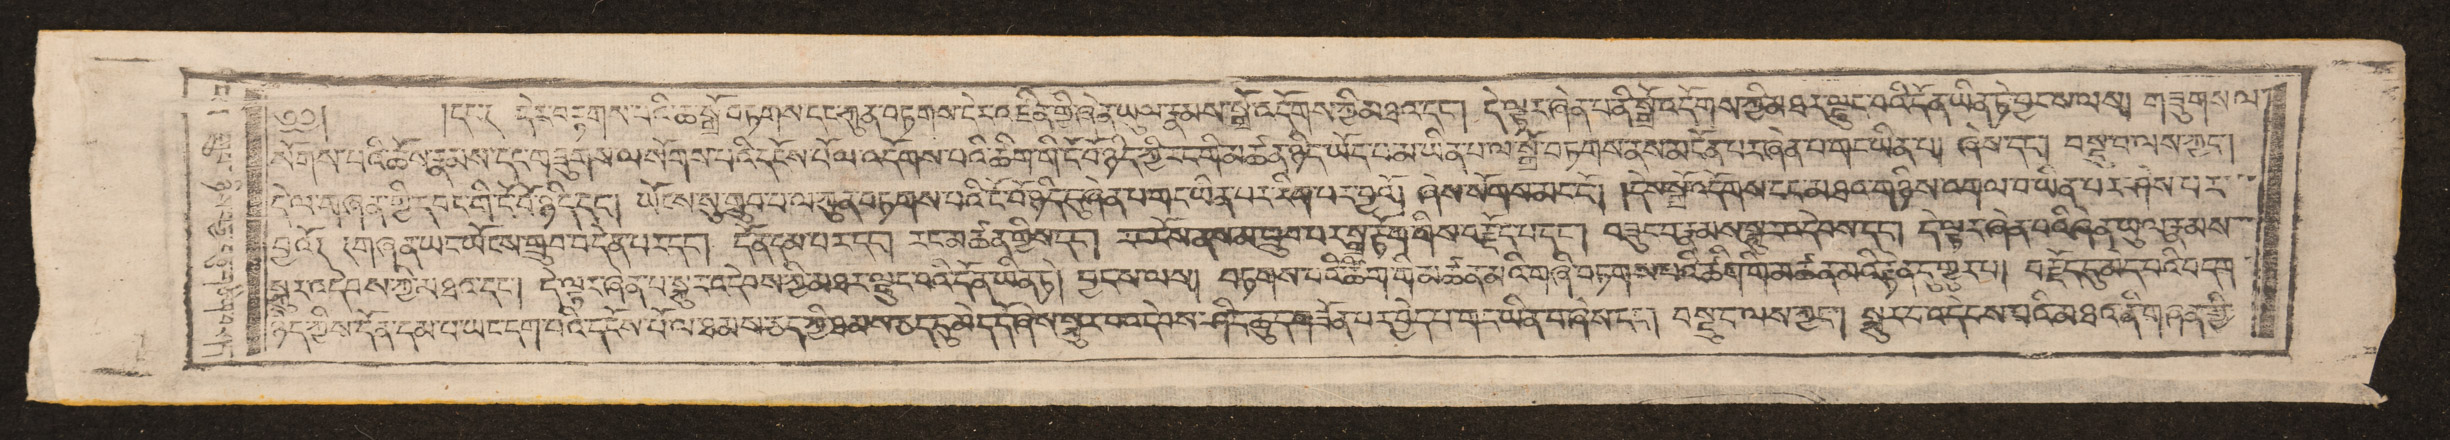༄༅། །དང༑ དེར་བརྟགས་པའི་ཆ་སྒྲོ་བཏགས་དང་ཀུན་བཏགས་དེར་འཛིན་གྱི་ཞེན་ཡུལ་རྣམས་སྒྲོ་འདོགས་ཀྱི་མཐའ་དང་། དེ་ལྟར་ཞེན་པ་ནི་སྒྲོ་འདོགས་ཀྱི་མཐར་ལྷུང་བའི་དོན་ཡིན་ཏེ་བྱང་ས་ལས། གཟུགས་ལ་
སོགས་པའི་ཆོས་རྣམས་དང་གཟུགས་ལ་སོགས་པའི་དངོས་པོ་ལ་འདོགས་པའི་ཚིག་གི་ངོ་བོ་ཉིད་ཀྱི་རང་གི་མཚན་ཉིད་ཡོད་པ་མ་ཡིན་པ་ལ་སྒྲོ་བཏགས་ནས་མངོན་པར་ཞེན་པ་གང་ཡིན་པ། ཞེས་དང་། བསྡུ་བ་ལས་ཀྱང་།
དེ་ལ་གཞན་གྱི་དབང་གི་ངོ་བོ་ཉིད་དང་། ཡོངས་སུ་གྲུབ་བ་ལ་ཀུན་བཏགས་པའི་ངོ་བོ་ཉིད་དུ་ཞེན་པ་གང་ཡིན་པར་རིག་པར་བྱའོ། ཞེས་སོགས་མང་ངོ། །དེས་སྒྲོ་འདོགས་དང་མཐའ་གཉིས་འགལ་བ་ཡིན་པར་ཤེས་པར་
བྱའོ༑ ༑གཞན་ཡང་ཡོངས་གྲུབ་བདེན་པར་དང་། དོན་དམ་པར་དང་། རང་མཚན་གྱིས་དང་། རང་ངོས་ནས་མ་གྲུབ་པར་སྒྲ་རྟོག་གིས་བརྗོད་པ་དང་། བཟུང་བ་རྣམས་སྐུར་འདེབས་དང་། དེ་ལྟར་ཞེན་པའི་ཞེན་ཡུལ་རྣམས་
སྐུར་འདེབས་ཀྱི་མཐའ་དང་། དེ་ལྟར་ཞེན་པ་སྐུར་འདེབས་ཀྱི་མཐར་ལྷུང་བའི་དོན་ཡིན་ཏེ། བྱང་ས་ལས། བཏགས་པའི་ཚིག་གི་མཚན་མའི་གཞི་བཏགས་པའི་ཚིག་གི་མཚན་མའི་རྟེན་དུ་གྱུར་པ། བརྗོད་དུ་མེད་པའི་བདག་
ཉིད་ཀྱིས་དོན་དམ་པ་ཡང་དག་པའི་དངོས་པོ་ལ་ཐམས་ཅད་ཀྱི་ཐམས་ཅད་དུ་མེད་དོ་ཞེས་སྐུར་བ་འདེབས་ཤིང་ཆུ་ད་གཟོན་པར་བྱེད་པ་གང་ཡིན་པ་ཞེས་དང་། བསྡུ་བ་ལས་ཀྱང་། སྐུར་བ་འདེབས་པའི་མཐའ་ནི་གཞན་གྱི་